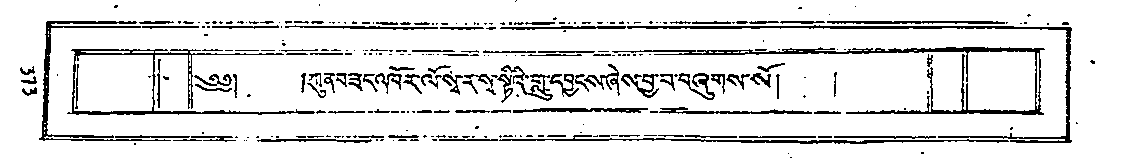༄༅། །ཀུན་བཟང་འཁོར་ལོ་སྭ་ར་སྭ་སྟིའི་གླུ་དབྱངས་ཞེས་བྱ་བ་བཞུགས་སོ། །